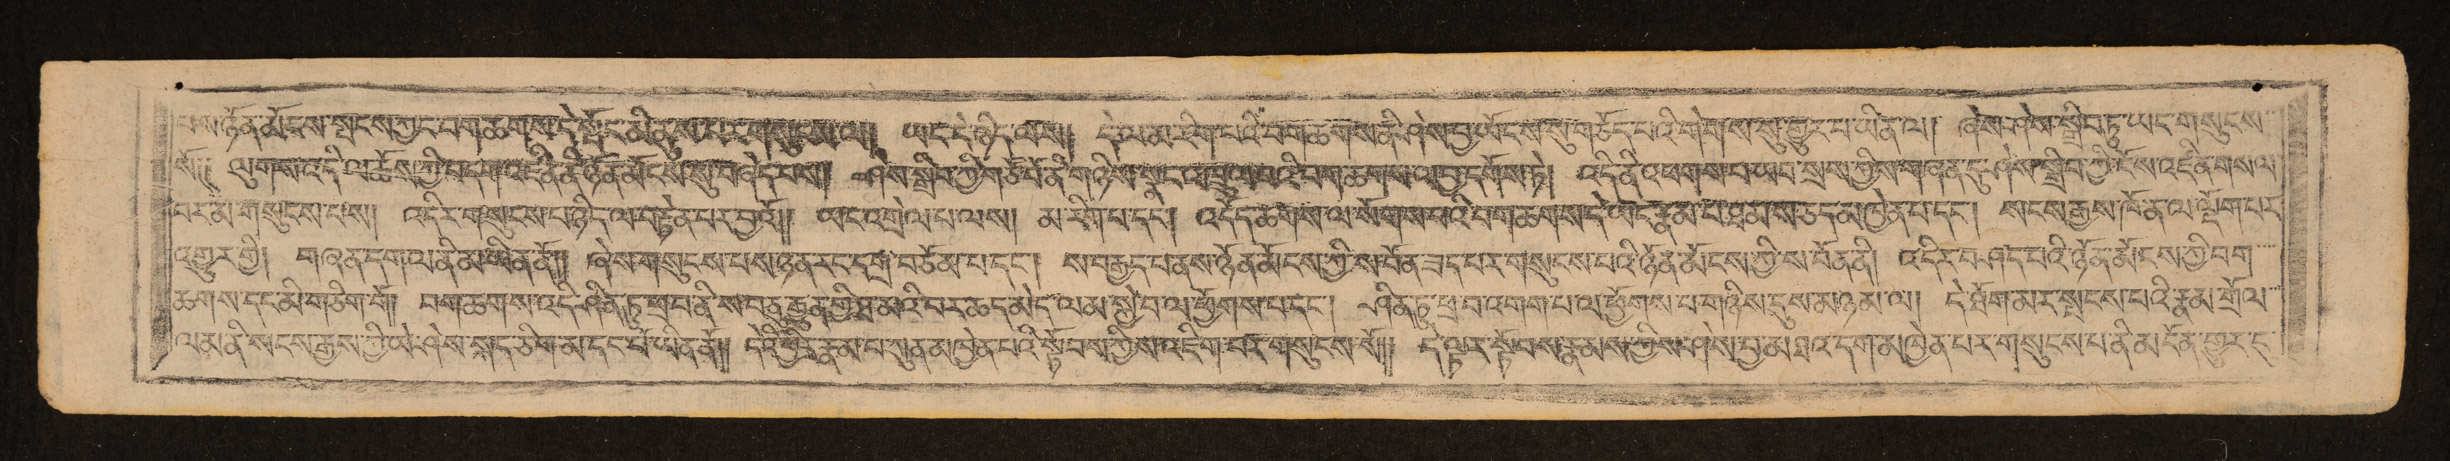པས་ཉོན་མོངས་སྤངས་ཀྱང་བག་ཆགས་དེ་སྤོང་མི་ནུས་པར་གསུངས་ལ། ཡང་དེ་ཉིད་ལས། དེ་ལ་མ་རིག་པའི་བག་ཆགས་ནི་ཤེས་བྱ་ཡོངས་སུ་གཅོད་པའི་གེགས་སུ་གྱུར་པ་ཡིན་ལ། ཞེས་ཤེས་སྒྲིབ་ཏུ་ཡང་གསུངས་
སོ༑༑ ལུགས་འདི་ལ་ཆོས་ཀྱི་བདག་འཛིན་ནི་ཉོན་མོངས་སུ་བཞེད་པས། ཤེས་སྒྲིབ་ཀྱི་གཙོ་བོ་ནི་གཉིས་སྣང་འཁྲུལ་བའི་བག་ཆགས་ལ་བྱ་དགོས་ཏེ། འདི་ནི་འཕགས་པ་ཡབ་སྲས་ཀྱིས་གཞན་དུ་ཤེས་སྒྲིབ་ཀྱི་ངོས་འཛིན་གསལ་
བར་མ་གསུངས་པས། འདིར་གསུངས་པ་ཉིད་ལ་བརྟེན་པར་བྱའོ།། ཡང་འགྲེལ་པ་ལས། མ་རིག་པ་དང་། འདོད་ཆགས་ལ་སོགས་པའི་བག་ཆགས་དེ་ཡང་རྣམ་པ་ཐམས་ཅད་མཁྱེན་པ་དང་། སངས་རྒྱས་ཁོ་ན་ལ་ལྡོག་པར་
འགྱུར་གྱི། གཞན་དག་ལ་ནི་མ་ཡིན་ནོ།། ཞེས་གསུངས་པས་ཉན་རང་དགྲ་བཅོམ་པ་དང་། ས་བརྒྱད་པ་ནས་ཉོན་མོངས་ཀྱི་ས་བོན་ཟད་པར་གསུངས་པའི་ཉོན་མོངས་ཀྱི་ས་བོན་ནི། འདིར་བཤད་པའི་ཉོན་མོངས་ཀྱི་བག་
ཆགས་དང་མི་གཅིག་གོ། བག་ཆགས་འདི་ཤིན་ཏུ་ཕྲ་བ་ནི་ས་བཅུ་རྒྱུན་གྱི་ཐ་མའི་བར་ཆད་མེད་ལམ་སྐྱེ་བ་ལ་ཕྱོགས་པ་དང་། ཤིན་ཏུ་ཕྲ་བ་འགག་པ་ལ་ཕྱོགས་པ་གཉིས་དུས་མཉམ་ལ། དེ་ཐོག་མར་སྤངས་པའི་རྣམ་གྲོལ་
ལམ་ནི་སངས་རྒྱས་ཀྱི་ཡེ་ཤེས་སྐད་ཅིག་མ་དང་པོ་ཡིན་ནོ།། དེའི་ཕྱིར་རྣམ་པ་ཀུན་མཁྱེན་པའི་སྟོབས་ཀྱིས་འཇིག་པར་གསུངས་སོ།། དེ་ལྟར་སྟོབས་རྣམས་ཀྱིས་ཤེས་བྱ་མཐའ་དག་མཁྱེན་པར་གསུངས་པ་ནི་མངོན་གྱུར་དུ་